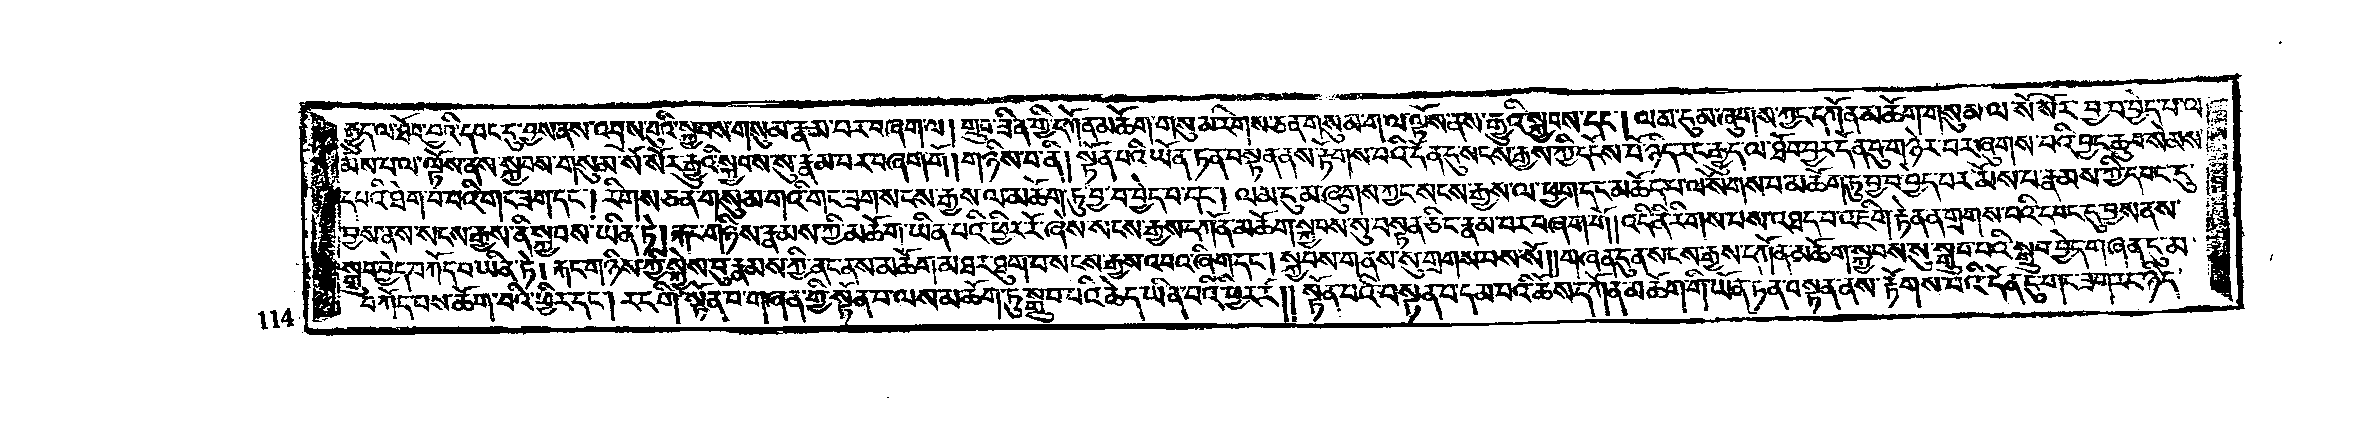རྒྱུད་ལ་ཐོབ་བྱའི་དབང་དུ་བྱས་ནས་འབྲས་བུའི་སྐྱབས་གསུམ་རྣམ་པར་བཞག་ལ། གྲུབ་ཟིན་གྱི་དཀོན་མཆོག་གསུམ་རིགས་ཅན་གསུམ་ག་ལ་ལྟོས་ནས་རྒྱུའི་སྐྱབས་དང་། ལམ་དུ་མ་ཞུགས་ཀྱང་དཀོན་མཆོག་གསུམ་ལ་སོ་སོར་བྱ་བ་བྱེད་པ་ལ་
མས་པ་ལ་ལྟོས་ནས་སྐྱབས་གསུམ་སོ་སོར་རྒྱུའི་སྐྱབས་སུ་རྣམ་པར་བཞག་གོ །གཉིས་པ་ནི། སྟོན་པའི་ཡོན་ཏན་བསྟན་ནས་རྟོགས་པའི་དོན་དུ་སངས་རྒྱས་ཀྱི་དངོས་པོ་ཉིད་རང་རྒྱུད་ལ་ཐོབ་བྱར་དོན་དུ་གཉེར་བར་ཞུགས་པའི་བྱང་ཆུབ་སེམས་
དཔའི་ཐེག་པ་བའི་གང་ཟག་དང་། རིགས་ཅན་གསུམ་གའི་གང་ཟག་སངས་རྒྱས་ལ་མཆོག་ཏུ་བྱ་བ་བྱེད་པ་དང་། ལམ་དུ་མ་ཞུགས་ཀྱང་སངས་རྒྱས་ལ་ཕྱག་དང་མཆོད་པ་ལ་སོགས་པ་མཆོག་ཏུ་བྱ་བ་བྱེད་པར་མོས་པ་རྣམས་ཀྱི་དབང་དུ་
བྱས་ནས་སངས་རྒྱས་ནི་སྐྱབས་ཡིན་ཏེ། རྐང་གཉིས་རྣམས་ཀྱི་མཆོག་ཡིན་པའི་ཕྱིར་རོ་ཞེས་སངས་རྒྱས་དཀོན་མཆོག་སྐྱབས་སུ་བསྟན་ཅིང་རྣམ་པར་བཞག་གོ །འདི་ནི་རིགས་པས་འཐད་པ་འཇིག་རྟེན་ན་གྲགས་པའི་དབང་དུ་བྱས་ནས་
སྒྲུབ་བྱེད་བཀོད་པ་ཡིན་ཏེ། རྐང་གཉིས་ཀྱི་སྐྱེས་བུ་རྣམས་ཀྱི་ནང་ནས་མཆོག་མཐར་ཐུག་པ་སངས་རྒྱས་འབའ་ཞིག་དང་། སྐྱབས་གནས་སུ་གྲགས་པས་སོ། །གཞན་དུ་ན་སངས་རྒྱས་དཀོན་མཆོག་སྐྱབས་སུ་སྒྲུབ་པའི་སྒྲུབ་བྱེད་གཞན་དུ་མ་
བཀོད་པས་ཆོག་པའི་ཕྱིར་དང་། རང་གི་སྟོན་པ་གཞན་གྱི་སྟོན་པ་ལས་མཆོག་ཏུ་སྒྲུབ་པའི་ཆེད་ཡིན་པའི་ཕྱིར་རོ། །སྟོན་པའི་བསྟན་པ་དམ་པའི་ཆོས་དཀོན་མཆོག་གི་ཡོན་ཏན་བསྟན་ནས་རྟོགས་པའི་དོན་དུ་གང་ཟག་རང་ཉིད་